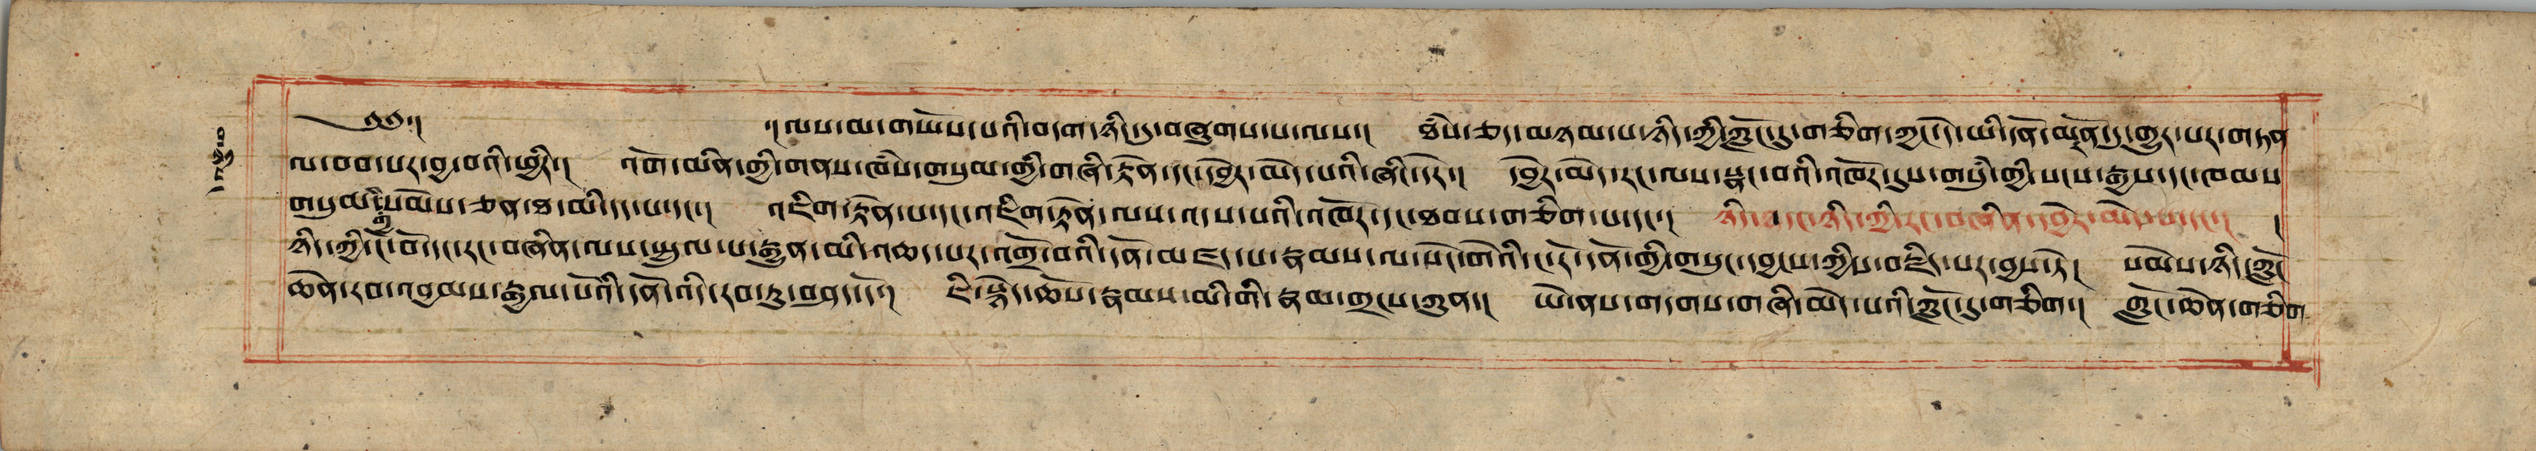༄༅་། ་།ལས་མ་གཡོས་པའི་བདག་ཉིད་དུ་བཞུགས་པ་ལས་། ཐཾས་ཅད་མཉམ་པ་ཉིད་ཀྱི་ཀློང་དུ་གཅིག་ཀྱང་དེ་ཡི་དོན་མངོན་དུ་གྱུར་པར་གཏན་
ལ་བབ་པར་བྱ་བའི་ཕྱིར་། འོག་མིན་གྱི་གནས་ཁཾས་གསུམ་གྱི་གཞི་རྟེན་དང་དབྱེར་མེད་པའི་ཞིང་དེར་། དབྱེར་མེད་རང་ལས་སྣང་བའི་འཁོར་དུས་གསུཾ་གྱི་སངས་རྒྱས་དང་ཁམས་
གསུམ་གྱི་སེམས་ཅན་ཐ་མི་དད་པ་དང་། འཇིག་རྟེན་པ་དང་འཇིག་རྟེན་ལས་འདས་པའི་འཁོར་དང་ཐབས་གཅིག་པ་དང་། ཉིད་ཐ་ང་ཉིད་ཀྱི་རང་བཞིན་དབྱེར་མེད་པ་དང་།
ཉིད་ཀྱི་ངོ་བོ་དང་རང་བཞིན་ལས་སྤྲུལ་པ་རྒྱུན་མི་འཆད་པར་འགྲོ་བའི་དོན་མཛད་པ་རྣམས་ལ་སེང་གེའི་ང་རོ་དོན་གྱི་གསུང་དབྱངས་ཀྱིས་བརྗིད་པར་བྱས་ཏེ་། སེམས་ཉིད་ཀློང
ཆེན་རབ་འབྱམས་རྒྱལ་པོའི་དོན་འདི་རབ་ཏུ་བཤད་དོ་། ཇི་སྙེད་ཆོས་རྣམས་མི་གི་རྣམ་གྲངས་ཀུན་། ཡེ་ནས་གདགས་གཞི་མེད་པའི་ཀློང་དུ་གཅིག་། ཀློང་ཆེན་གཅིག